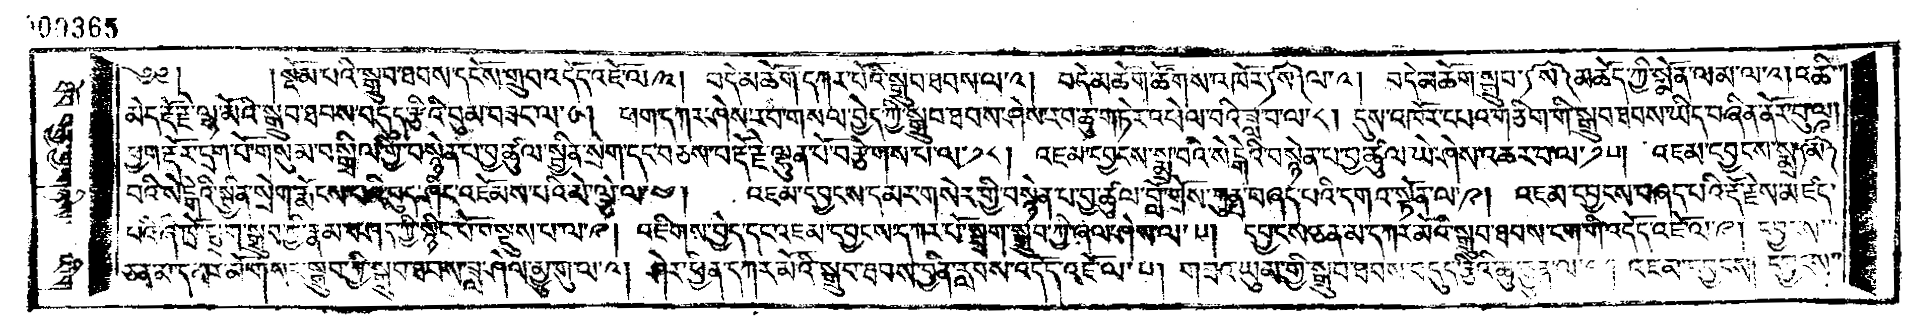༄༅། །སྡོམ་པའི་སྒྲུབ་ཐབས་དངོས་གྲུབ་འདོད་འཇོ་ལ ༣། བདེ་མཆོག་དཀར་པོའི་སྒྲུབ་ཐབས་ལ ༢། བདེ་མཆོག་ཚོགས་འཁོར ༼ས༽ ལ ༢། བདེ་མཆོག་སྒྲུབ ༼ས༽ མཆོད་ཀྱི་སྨོན་ལམ་ལ ༢། འཆི་
མེད་རྡོ་རྗེ་ལྷ་མོའི་སྒྲུབ་ཐབས་བདུད་རྩིའི་བུམ་བཟང་ལ ༦། ཕག་དཀར་ཤེས་རབ་གསལ་བྱེད་ཀྱི་སྒྲུབ་ཐབས་ཤེས་རབ་ཆུ་གཏེར་འཕེལ་བའི་ཟླ་བ་ལ ༨། དུས་འཁོར་དཔའ་གཅིག་གི་སྒྲུབ་ཐབས་ཡིད་བཞིན་ནོར་བུ་ལ ༩།
ཕྱག་རྡོར་དྲག་པོ་གསུམ་བསྒྲིལ་གྱི་བསྙེན་པ་བྱ་ཚུལ་སྦྱིན་སྲེག་དང་བཅས་པ་རྡོ་རྗེ་ལྷུན་པོ་བརྩེགས་པ་ལ ༡༨། འཇམ་དབྱངས་སྨྲ་བའི་སེངྒེའི་བསྙེན་པ་བྱ་ཚུལ་ཡེ་ཤེས་འཆར་བ་ལ ༡༥། འཇམ་དབྱངས་སྨྲ ༼མ༽
བའི་སེངྒེའི་སྦྱིན་སྲེག་རྨོངས་པའི་བུད་ཤིང་འཇོམས་པའི་མེ་ལྕེ་ལ ༤། འཇམ་དབྱངས་དམར་གསེར་གྱི་བསྙེན་པ་བྱ་ཚུལ་བློ་གྲོས་ཀུནྡ་བཞད་པའི་དགའ་སྟོན་ལ ༩། འཇམ་དབྱངས་བཞད་པའི་རྡོ་རྗེས་མཛད་
པའི་ཞི་ཁྲོ་སྤྲག་སྒྲུབ་ཀྱི་རྣམ་བཤད་ཀྱི་སྙིང་པོ་བསྡུས་པ་ལ ༩། འཇིགས་བྱེད་དང་འཇམ་དབྱངས་དཀར་པོ་སྦྲག་སྒྲུབ་ཀྱི་ཞལ་ཤེས་ལ ༥། དབྱངས་ཅན་མ་དཀར་མོའི་སྒྲུབ་ཐབས་ངག་གི་འདོད་འཇོ་ལ ༩། དབྱངས་
ཅན་མ་དམར་མོ་གསང་སྒྲུབ་ཀྱི་སྒྲུབ་ཐབས་ཟླ་ཤེལ་མྱུ་གུ་ལ ༢། ཤེར་ཕྱིན་དཀར་མོའི་སྒྲུབ་ཐབས་བྱིན་རླབས་འདོད་འཇོ་ལ ༥། གཟའ་ཡུམ་གྱི་སྒྲུབ་ཐབས་བདུད་རྩིའི་ཆུ་རྒྱུན་ལ ༤། འཇམ་དབྱངས། དབྱངས་